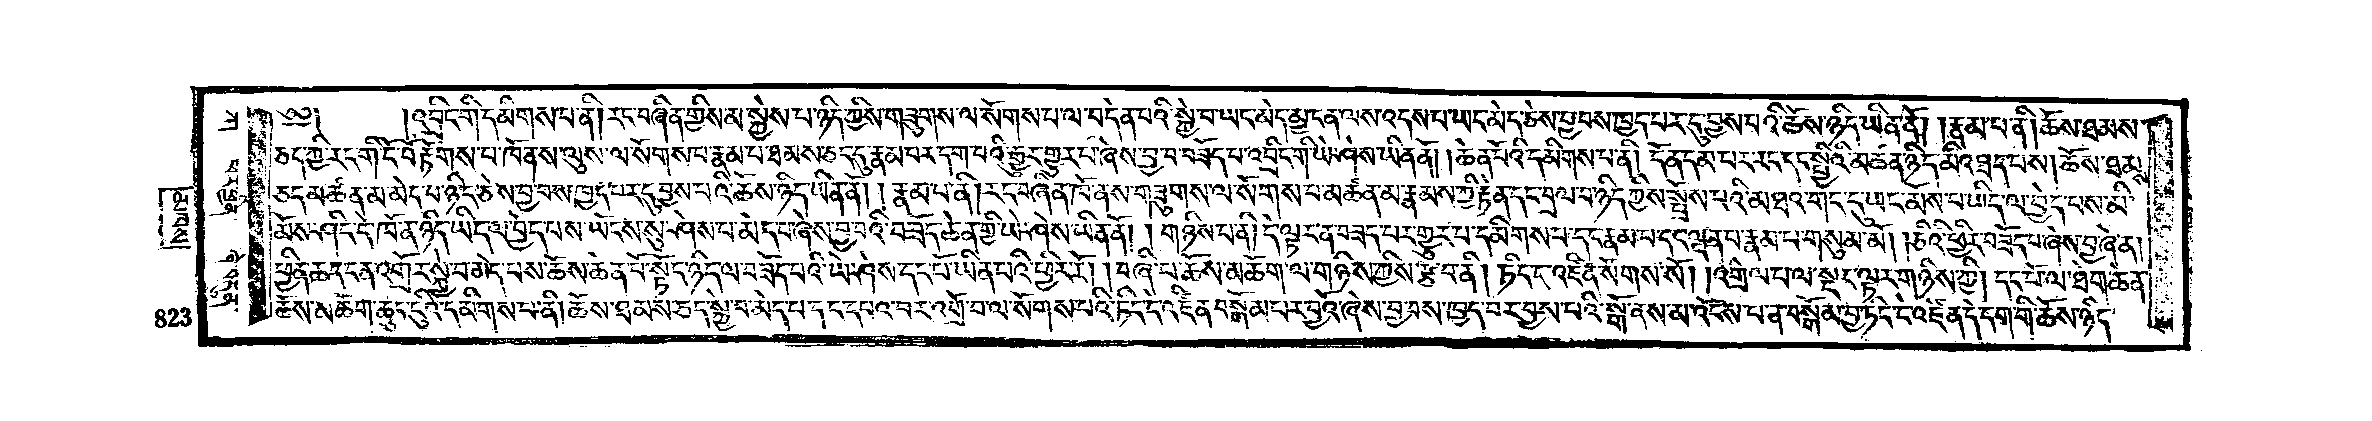༄༅། །འབྲིང་གི་དམིགས་པ་ནི། རང་བཞིན་གྱིས་མ་སྐྱེས་པ་ཉིད་ཀྱིས་གཟུགས་ལ་སོགས་པ་ལ་བདེན་པའི་སྐྱེ་བ་ཡང་མེད་མྱ་ངན་ལས་འདས་པ་ཡང་མེད་ཅེས་བྱ་བས་ཁྱད་པར་དུ་བྱས་པའི་ཆོས་ཉིད་ཡིན་ནོ། །རྣམ་པ་ནི། ཆོས་ཐམས་
ཅད་ཀྱི་རང་གི་ངོ་བོ་རྟོགས་པ་ཁོ་ནས་ལུས་ལ་སོགས་པ་རྣམ་པ་ཐམས་ཅད་དུ་རྣམ་པར་དག་པའི་རྒྱུར་གྱུར་པ་ཞེས་བྱ་བ་བཟོད་པ་འབྲིང་གི་ཡེ་ཤེས་ཡིན་ནོ། །ཆེན་པོའི་དམིགས་པ་ནི། དོན་དམ་པར་རང་དང་སྤྱིའི་མཚན་ཉིད་མི་འཐད་པས། ཆོས་ཐམས་
ཅད་མཚན་མ་མེད་པ་ཉིད་ཅེས་བྱ་བས་ཁྱད་པར་དུ་བྱས་པའི་ཆོས་ཉིད་ཡིན་ནོ། །རྣམ་པ་ནི། རང་བཞིན་ཁོ་ནས་གཟུགས་ལ་སོགས་པ་མཚན་མ་རྣམས་ཀྱི་རྟེན་དང་བྲལ་བ་ཉིད་ཀྱིས་སྤྲོས་པའི་མཐའ་གང་དུ་ཡང་མོས་པ་ཡིད་ལ་བྱེད་པས་མི་
མོས་ཤིང་དེ་ཁོ་ན་ཉིད་ཡིད་ལ་བྱེད་པས་ཡོངས་སུ་ཤེས་པ་མེད་པ་ཞེས་བྱ་བའི་བཟོད་ཆེན་གྱི་ཡེ་ཤེས་ཡིན་ནོ། །གཉིས་པ་ནི། དེ་ལྟར་ན་བཟོད་པར་གྱུར་པ་དམིགས་པ་དང་རྣམ་པ་དང་ལྡན་པ་རྣམ་པ་གསུམ་མོ། །ཅིའི་ཕྱིར་བཟོད་པ་ཞེས་བྱ་ཞེ་ན།
ཕྱིན་ཆད་ངན་འགྲོར་སྐྱེ་བ་མེད་པས་ཆོས་ཆེན་པོ་སྟོང་ཉིད་ལ་བཟོད་པའི་ཡེ་ཤེས་དང་པོ་ཡིན་པའི་ཕྱིར་རོ། །བཞི་པ་ཆོས་མཆོག་ལ་གཉིས་ཀྱིས་རྩ་བ་ནི། ཏིང་ངེ་འཛིན་སོགས་སོ། །འགྲེལ་པ་ལ་སྔར་ལྟར་གཉིས་ཀྱི། དང་པོ་ལ་ཐེག་ཆེན་
ཆོས་མཆོག་ཆུང་ངུའི་དམིགས་པ་ནི། ཆོས་ཐམས་ཅད་སྐྱེ་བ་མེད་པ་དང་དཔའ་བར་འགྲོ་བ་ལ་སོགས་པའི་ཏིང་ངེ་འཛིན་བསྒོམས་པར་བྱའོ་ཞེས་བྱ་བས་ཁྱད་པར་བྱས་པའི་སྒོ་ནས་མ་འོངས་པ་ན་བསྒོམ་བྱ་ཏིང་ངེ་འཛིན་དེ་དག་གི་ཆོས་ཉིད་